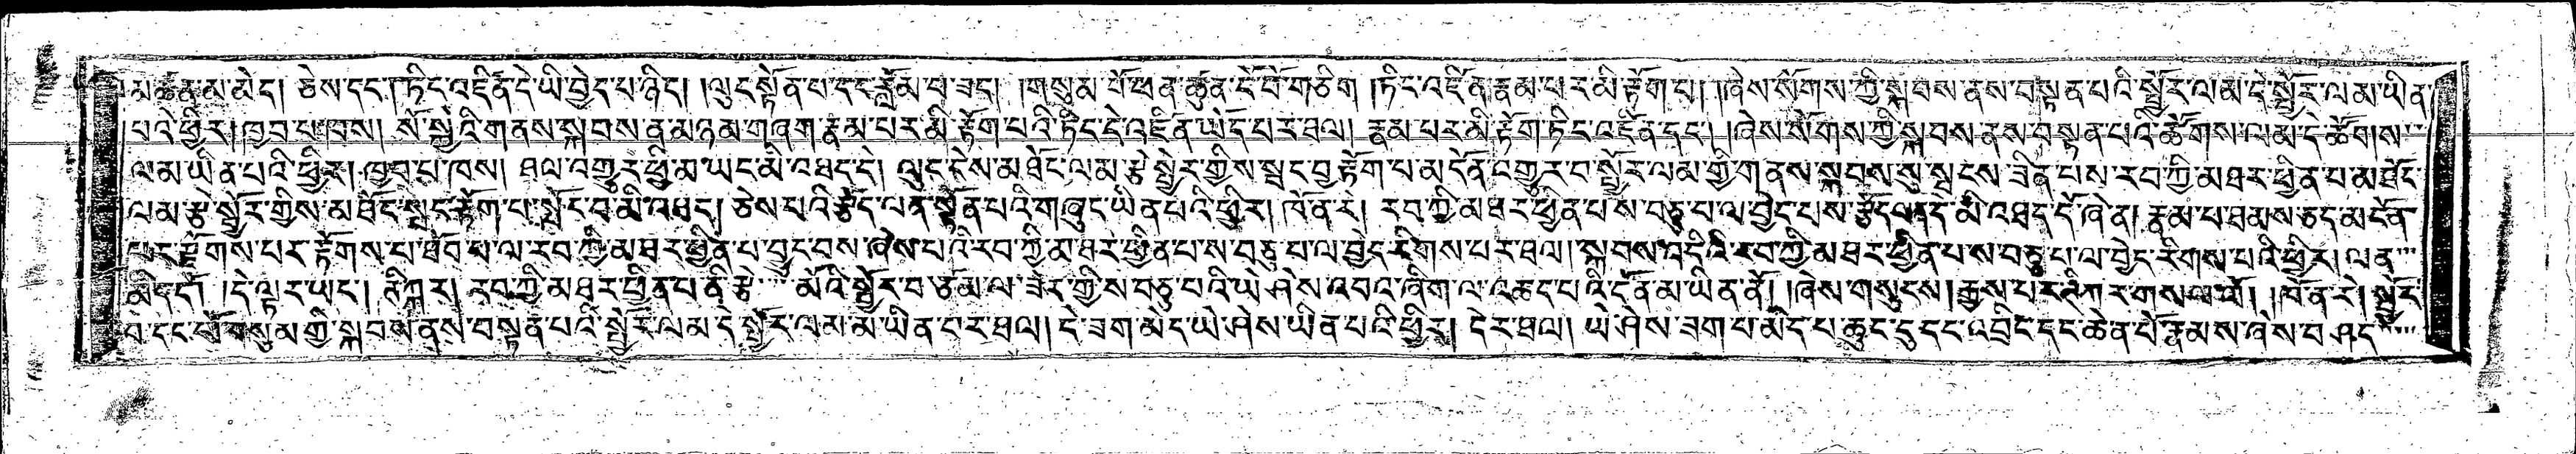མཚན་མ་མེད། ཅེས་དང་། ཏིང་འཛིན་དེ་ཡི་བྱེད་པ་ཉིད། །ལུང་སྟོན་པ་དང་རློམ་པ་ཟད། །གསུམ་པོ་ཕན་ཚུན་ངོ་བོ་གཅིག །ཏིང་འཛིན་རྣམ་པར་མི་རྟོག་པ། །ཞེས་སོགས་ཀྱི་སྐབས་ནས་བསྟན་པའི་སྦྱོར་ལམ་དེ་སྦྱོར་ལམ་ཡིན་
པའི་ཕྱིར། ཁྱབ་པ་ཁས། སོ་སྐྱེའི་གནས་སྐབས་ན་མཉམ་གཞག་རྣམ་པར་མི་རྟོག་པའི་ཏིང་ངེ་འཛིན་ཡོད་པར་ཐལ། རྣམ་པར་མི་རྟོག་ཏིང་འཛིན་དང་། །ཞེས་སོགས་ཀྱི་སྐབས་ནས་བསྟན་པའི་ཚོགས་ལམ་དེ་ཚོགས་
ལམ་ཡིན་པའི་ཕྱིར། ཁྱབ་པ་ཁས། ཐལ་འགྱུར་ཕྱི་མ་ཡང་མི་འཐད་དེ། ལུང་དེས་མཐོང་ལམ་རྩེ་སྦྱོར་གྱི་སྤང་བྱ་རྟོག་པ་མངོན་འགྱུར་བ་སྦྱོར་ལམ་གྱི་གནས་སྐབས་སུ་སྤངས་ཟིན་པས་རབ་ཀྱི་མཐར་ཕྱིན་པ་མཐོང་
ལམ་རྩེ་སྦྱོར་གྱིས་མཐོང་སྤང་རྟོག་པ་སྤོང་བ་མི་འཐད། ཅེས་པའི་རྩོད་ལན་སྟོན་པའི་གཞུང་ཡིན་པའི་ཕྱིར། ཁོ་ན་རེ། རབ་ཀྱི་མཐར་ཕྱིན་པ་ས་བཅུ་པ་ལ་བྱེད་པས་རྩོད་ལན་དེ་མི་འཐད་དོ་ཞེ་ན། རྣམ་པ་ཐམས་ཅད་མངོན་
པར་རྫོགས་པར་རྟོགས་པ་ཐོབ་པ་ལ་རབ་ཀྱི་མཐར་ཕྱིན་པ་བྱུང་བས་ཞེས་པའི་རབ་ཀྱི་མཐར་ཕྱིན་པ་ས་བཅུ་པ་ལ་བྱེད་རིགས་པར་ཐལ། སྐབས་འདིའི་རབ་ཀྱི་མཐར་ཕྱིན་པ་ས་བཅུ་པ་ལ་བྱེད་རིགས་པའི་ཕྱིར། ལན་
མེད་དོ། །དེ་ལྟར་ཡང་། ཊིཀྐར། རབ་ཀྱི་མཐར་ཕྱིན་པ་ནི་རྩེ་མོའི་སྦྱོར་བ་ཙམ་ལ་ཟེར་གྱི་ས་བཅུ་པའི་ཡེ་ཤེས་འབའ་ཞིག་ལ་འཆད་པའི་དོན་མ་ཡིན་ནོ། །ཞེས་གསུངས། རྒྱས་པར་ཊིཀར་གསལ་ལོ། །ཁོ་ན་རེ། སྦྱོར་
བ་དང་པོ་གསུམ་གྱི་སྐབས་ནས་བསྟན་པའི་སྦྱོར་ལམ་དེ་སྦྱོར་ལམ་མ་ཡིན་པར་ཐལ། དེ་ཟག་མེད་ཡེ་ཤེས་ཡིན་པའི་ཕྱིར། དེར་ཐལ། ཡེ་ཤེས་ཟག་པ་མེད་པ་ཆུང་ངུ་དང་འབྲིང་དང་ཆེན་པོ་རྣམས་ཞེས་བཤད་